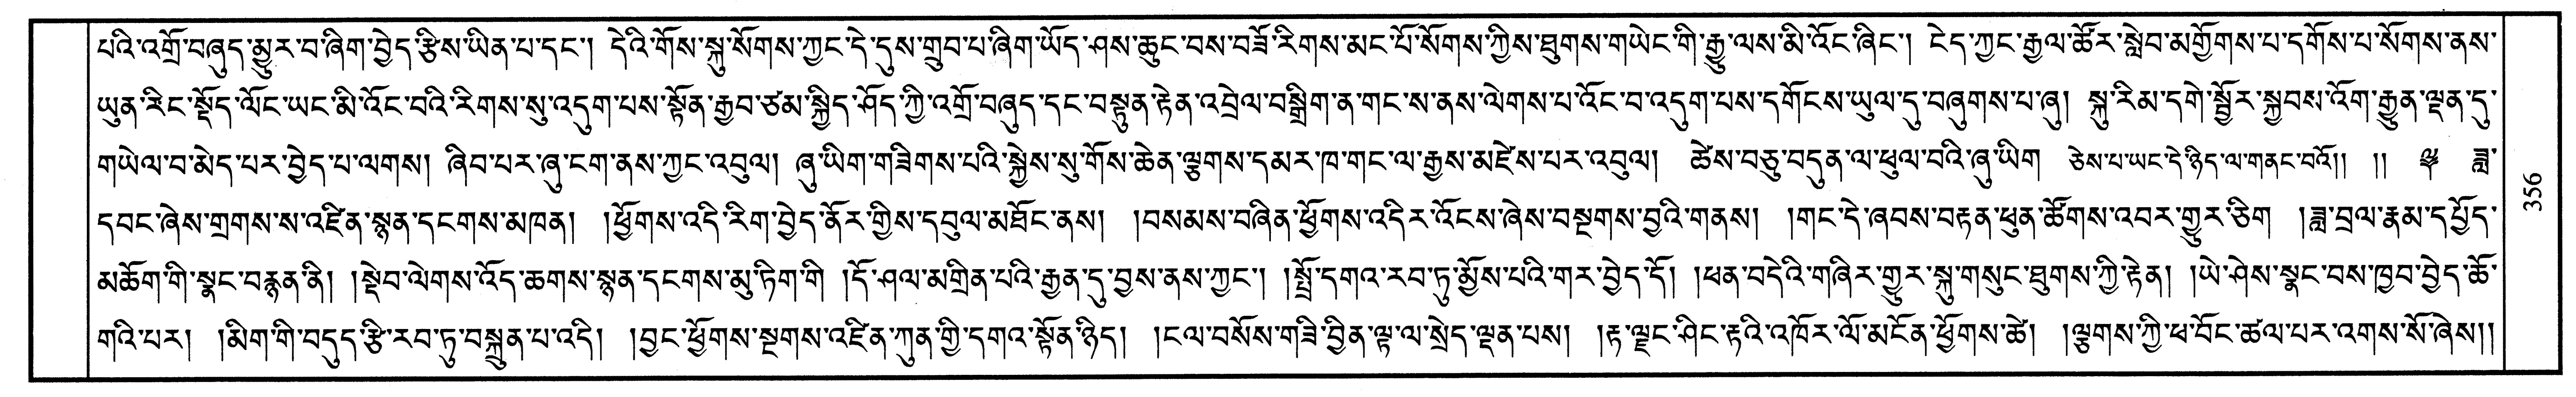པའི་འགྲོ་བཞུད་མྱུར་བ་ཞིག་བྱེད་རྩིས་ཡིན་པ་དང་། དེའི་གོས་སྐུ་སོགས་ཀྱང་དེ་དུས་གྲུབ་པ་ཞིག་ཡོད་ཤས་ཆུང་བས་བཟོ་རིགས་མང་པོ་སོགས་ཀྱིས་ཐུགས་གཡེང་གི་རྒྱུ་ལས་མི་འོང་ཞིང་། ངེད་ཀྱང་རྒྱལ་ཚོར་སླེབ་མགྱོགས་པ་དགོས་པ་སོགས་ནས་
ཡུན་རིང་སྡོད་ལོང་ཡང་མི་འོང་བའི་རིགས་སུ་འདུག་པས་སྟོན་རྒྱབ་ཙམ་སྐྱིད་ཤོད་ཀྱི་འགྲོ་བཞུད་དང་བསྟུན་རྟེན་འབྲེལ་བསྒྲིག་ན་གང་ས་ནས་ལེགས་པ་འོང་བ་འདུག་པས་དགོངས་ཡུལ་དུ་བཞུགས་པ་ཞུ། སྐུ་རིམ་དགེ་སྦྱོར་སྐྱབས་འོག་རྒྱུན་ལྡན་དུ་
གཡེལ་བ་མེད་པར་བྱེད་པ་ལགས། ཞིབ་པར་ཞུ་ངག་ནས་ཀྱང་འབུལ། ཞུ་ཡིག་གཟིགས་པའི་སྐྱེས་སུ་གོས་ཆེན་ལྕགས་དམར་ཁ་གང་ལ་རྒྱས་མཛེས་པར་འབུལ། ཚེས་བཅུ་བདུན་ལ་ཕུལ་བའི་ཞུ་ཡིག །ཅེས་པ་ཡང་དེ་ཉིད་ལ་གནང་བའོ།། །། ༈ ཟླ་
དབང་ཞེས་གྲགས་ས་འཛིན་སྙན་དངགས་མཁན། །ཕྱོགས་འདི་རིག་བྱེད་ནོར་གྱིས་དབུལ་མཐོང་ནས། །བསམས་བཞིན་ཕྱོགས་འདིར་འོངས་ཞེས་བསྔགས་བྱའི་གནས། །གང་དེ་ཞབས་བརྟན་ཕུན་ཚོགས་འབར་གྱུར་ཅིག །ཟླ་བྲལ་རྣམ་དཔྱོད་
མཆོག་གི་སྣང་བརྙན་ནི། །སྡེབ་ལེགས་འོད་ཆགས་སྙན་དངགས་མུ་ཏིག་གི །དོ་ཤལ་མགྲིན་པའི་རྒྱན་དུ་བྱས་ནས་ཀྱང་། །སྤྲོ་དགའ་རབ་ཏུ་མྱོས་པའི་གར་བྱེད་དོ། །ཕན་བདེའི་གཞིར་གྱུར་སྐུ་གསུང་ཐུགས་ཀྱི་རྟེན། །ཡེ་ཤེས་སྣང་བས་ཁྱབ་བྱེད་ཆོ་
གའི་པར། །མིག་གི་བདུད་རྩི་རབ་ཏུ་བསྐྲུན་པ་འདི། །བྱང་ཕྱོགས་སྔགས་འཛིན་ཀུན་གྱི་དགའ་སྟོན་ཉིད། །ངལ་བསོས་གཟི་བྱིན་ལྟ་ལ་སྲེད་ལྡན་པས། །རྟ་ལྗང་ཤིང་རྟའི་འཁོར་ལོ་མངོན་ཕྱོགས་ཚེ། །ལྕགས་ཀྱི་ཕ་བོང་ཚལ་པར་འགས་སོ་ཞེས།།